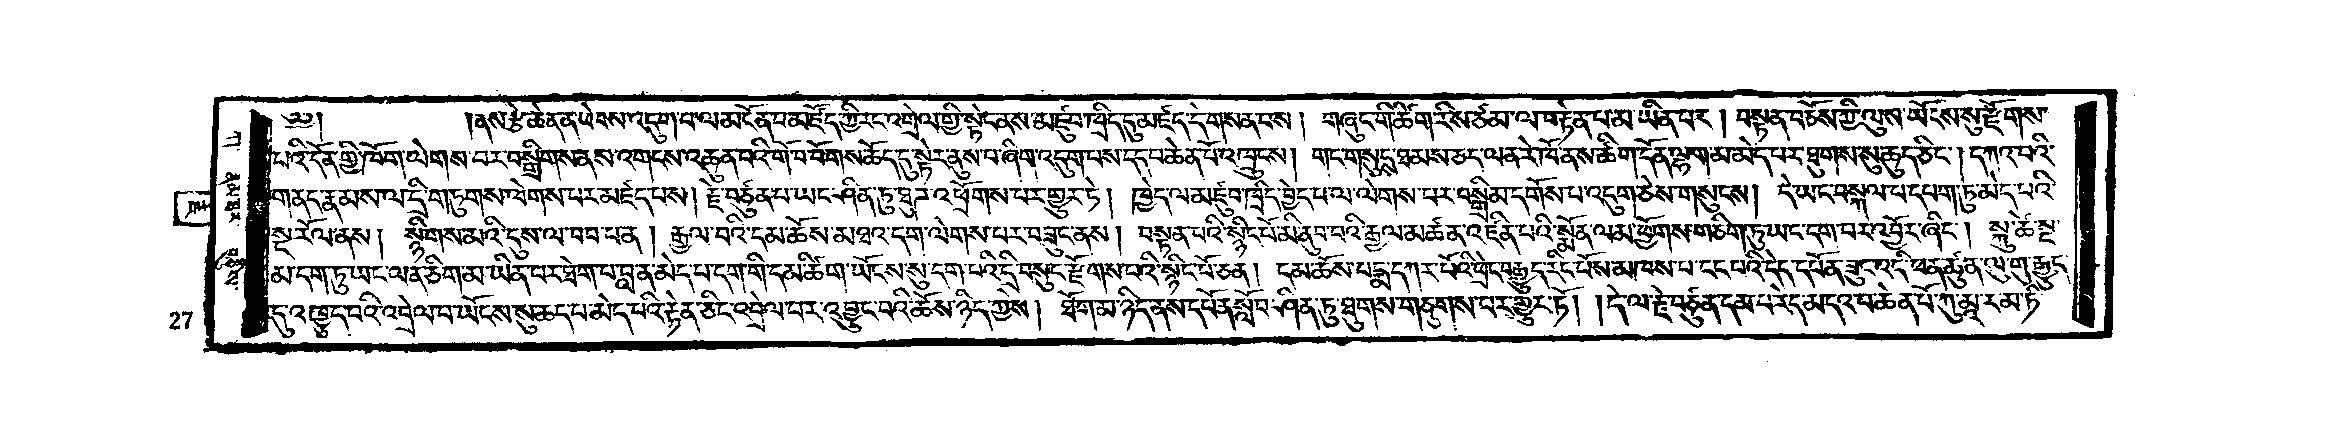༄༅། །ནས་རྩེ་ཆེན་ན་ཕེབས་འདུག་པ་ལ་མངོན་པ་མཛོད་ཀྱི་རང་འགྲེལ་གྱི་སྟེང་ནས་མཛུབ་ཁྲིད་དུ་མཛད་དེ་གསན་པས། གཞུང་གི་ཚིག་རིས་ཙམ་ལ་བརྟེན་པ་མ་ཡིན་པར། བསྟན་བཅོས་ཀྱི་ལུས་ཡོངས་སུ་རྫོགས་
པའི་དོན་གྱི་ཁོག་ལེགས་པར་བསྒྲིགས་ནས་འགངས་འཆུན་པའི་གོ་བ་བོགས་ཆོད་དུ་སྟེར་ནུས་པ་ཞིག་འདུག་པས་དད་པ་ཆེན་པོ་འཁྲུངས། གང་གསུངས་ཐམས་ཅད་ལན་རེ་ཁོ་ནས་ཚིག་དོན་ལྷག་མ་མེད་པར་ཐུགས་སུ་ཆུད་ཅིང་། དཀའ་བའི་
གནད་རྣམས་ལ་དྲི་གཏུགས་ལེགས་པར་མཛད་པས། རྗེ་བཙུན་པ་ཡང་ཤིན་ཏུ་ཐུགས་འཕྲོགས་པར་གྱུར་ཏེ། ཁྱེད་ལ་མཛུབ་ཁྲིད་བྱེད་པ་ལ་ལེགས་པར་བསྒྲིམ་དགོས་པ་འདུག་ཅེས་གསུངས། དེ་ཡང་བསྐལ་པ་དཔག་ཏུ་མེད་པའི་
སྔ་རོལ་ནས། སྙིགས་མའི་དུས་ལ་བབ་པ་ན། རྒྱལ་བའི་དམ་ཆོས་མཐའ་དག་ལེགས་པར་བཟུང་ནས། བསྟན་པའི་སྙིང་པོ་མི་ནུབ་པའི་རྒྱལ་མཚན་འཛིན་པའི་སྨོན་ལམ་ཕྱོགས་གཅིག་ཏུ་ཡང་དག་པར་འབྱོར་ཞིང་། སྐུ་ཚེ་སྔ་
མ་དག་ཏུ་ཡང་ལན་ཅིག་མ་ཡིན་པར་ཐེག་པ་བླ་ན་མེད་པ་དག་གི་དམ་ཚིག་ཡོངས་སུ་དག་པའི་དྲི་བསུང་རྫོགས་པའི་སྙིང་པོ་ཅན། དམ་ཆོས་པདམ་དཀར་པོའི་ཕྲེང་བརྒྱུད་རིང་པོས་མཁས་པ་ངང་པའི་དེད་དཔོན་ཟུང་འདི་ཕན་ཚུན་ལུ་གུ་རྒྱུད་
དུ་འཁྱུད་པའི་འབྲེལ་པ་ཡོངས་སུ་ཆད་པ་མེད་པའི་རྟེན་ཅིང་འབྲེལ་བར་འབྱུང་བའི་ཆོས་ཉིད་ཀྱིས། ཐོག་མ་ཉིད་ནས་དཔོན་སློབ་ཤིན་ཏུ་ཐུགས་གཅུགས་པར་གྱུར་ཏོ། །དེ་ལ་རྗེ་བཙུན་དམ་པ་རེད་མདའ་པ་ཆེན་པོ་ཀུ་མཱ་ར་མ་ཏི་